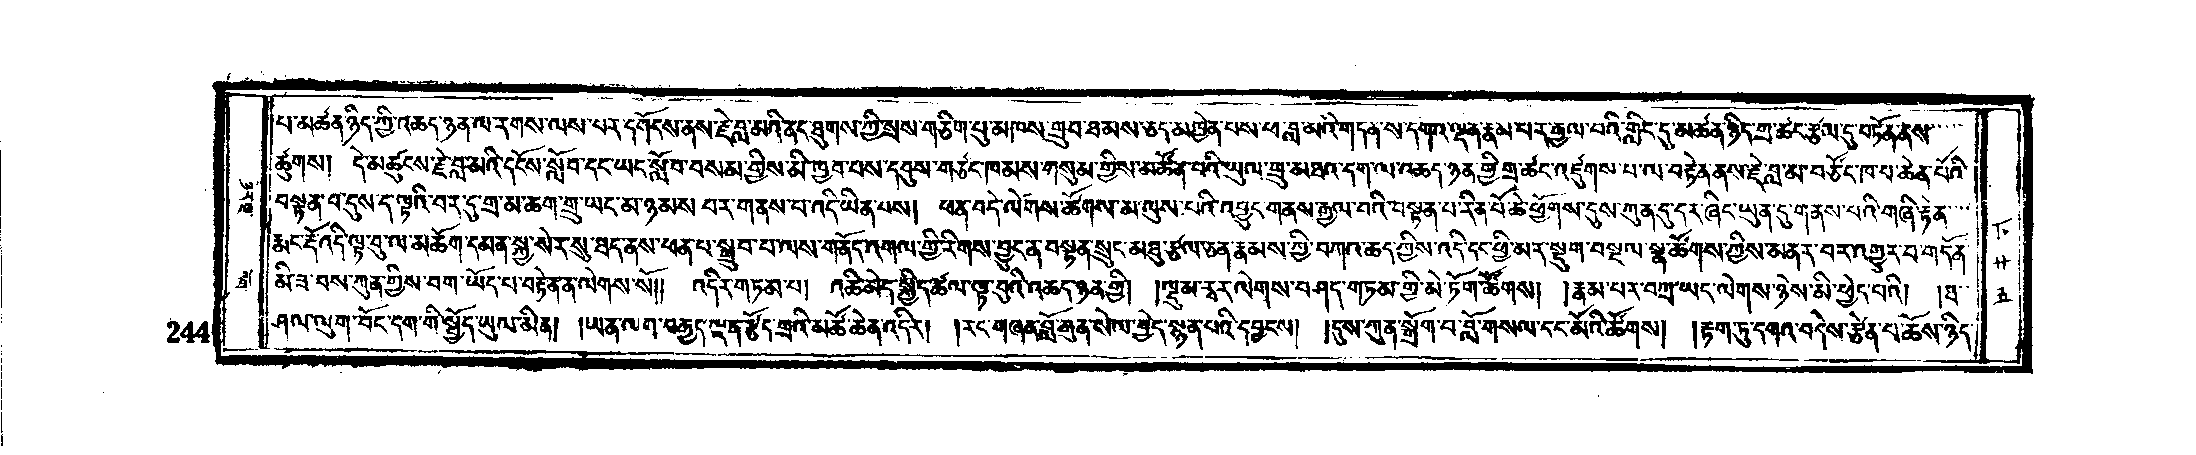པ་མཚན་ཉིད་ཀྱི་འཆད་ཉན་ལ་རགས་ལས་པར་དགོངས་ནས་རྗེ་བླ་མའི་ནང་ཐུགས་ཀྱི་སྲས་གཅིག་པུ་མཁས་གྲུབ་ཐམས་ཅད་མཁྱེན་པས་ཕ་བླ་མའི་གདན་ས་དགའ་ལྡན་རྣམ་པར་རྒྱལ་བའི་གླིང་དུ་མཚན་ཉིད་གྲ་ཚང་རྩལ་དུ་བཏོན་ནས་
ཚུགས། དེ་མཚུངས་རྗེ་བླ་མའི་དངོས་སློབ་དང་ཡང་སློབ་བསམ་གྱིས་མི་ཁྱབ་པས་དབུས་གཙང་ཁམས་གསུམ་གྱིས་མཚོན་པའི་ཡུལ་གྲུ་མཐའ་དག་ལ་འཆད་ཉན་གྱི་གྲ་ཚང་འཛུགས་པ་ལ་བརྟེན་ནས་རྗེ་བླ་མ་བཙོང་ཁ་པ་ཆེན་པོའི་
བསྟན་པ་དུས་ད་ལྟའི་བར་དུ་གྲ་མ་ཆག་གྲུ་ཡང་མ་ཉམས་པར་གནས་པ་འདི་ཡིན་པས། ཕན་བདེ་ལེགས་ཚོགས་མ་ལུས་པའི་འབྱུང་གནས་རྒྱལ་བའི་བསྟན་པ་རིན་པོ་ཆེ་ཕྱོགས་དུས་ཀུན་དུ་དར་ཞིང་ཡུན་དུ་གནས་པའི་གཞི་རྟེན་
རྨང་རྡོ་འདི་ལྟ་བུ་ལ་མཆོག་དམན་སྐྱ་སེར་སུ་ཐད་ནས་ཕན་པ་སྒྲུབ་པ་ལས་གནོད་འགལ་གྱི་རིགས་བྱུང་ན་བསྟན་སྲུང་མཐུ་རྩལ་ཅན་རྣམས་ཀྱི་བཀའ་ཆད་ཀྱིས་འདི་དང་ཕྱི་མར་སྡུག་བསྔལ་སྣ་ཚོགས་ཀྱིས་མནར་བར་འགྱུར་བ་གདོན་
མི་ཟ་བས་ཀུན་གྱིས་བག་ཡོད་པ་བརྟེན་ན་ལེགས་སོ།། འདིར་གཏམ་པ། འཆི་མེད་སྐྱིད་ཚལ་ལྟ་བུའི་འཆད་ཉན་གྱི། །ལྡུམ་རྭར་ལེགས་བཤད་གཏམ་གྱི་མེ་ཏོག་ཚོགས། །རྣམ་པར་བཀྲ་ཡང་ལེགས་ཉེས་མི་ཕྱེད་པའི། །ཐ་
ཤལ་ལུག་བོང་དག་གི་སྤྱོད་ཡུལ་མིན། །ཡན་ལག་བརྒྱད་ལྡན་རྩོད་གྲའི་མཚོ་ཆེན་འདིར། །རང་གཞན་བློ་མུན?་སེལ་བྱེད་སྙན་པའི་དབྱངས། །དུས་ཀུན་སྒྲོག་པ་བློ་གསལ་ངང་མོའི་ཚོགས། །རྟག་ཏུ་དགའ་བདེས་རྩེན་པ་ཆོས་ཉིད་